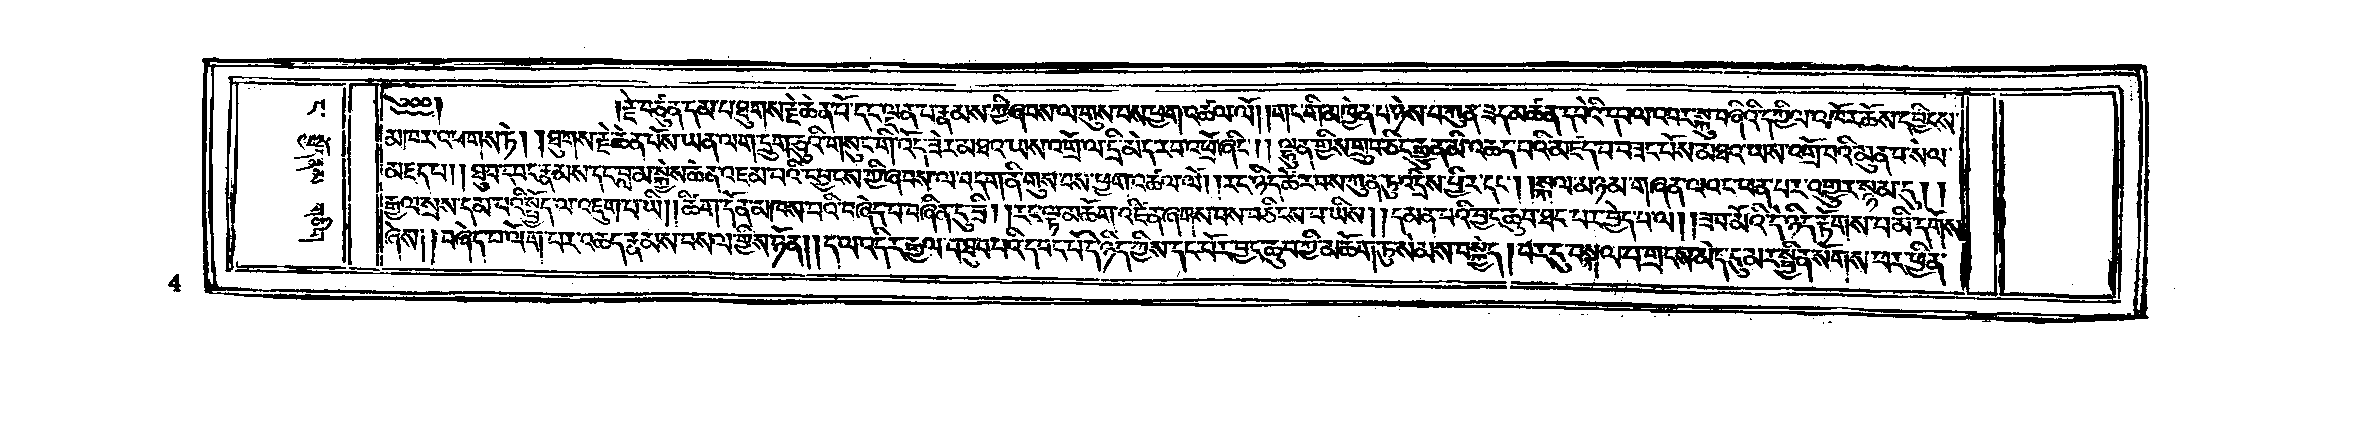༄༅༅། །རྗེ་བཙུན་དམ་པ་ཐུགས་རྗེ་ཆེན་པོ་དང་ལྡན་པ་རྣམས་ཀྱི་ཞབས་ལ་གུས་པས་ཕྱག་འཚལ་ལོ། །གང་གི་མཁྱེན་པ་ཉེས་པ་ཀུན་ཟད་མཚན་དཔེའི་དཔལ་འབར་སྐུ་བཞིའི་དཀྱིལ་འཁོར་ཆོས་དབྱིངས་
མཁར་འཕགས་ཏེ། །ཐུགས་རྗེ་ཆེན་པོས་ཡན་ལག་དྲུག་ཅུའི་གསུང་གི་འོད་ཟེར་མཐའ་ཡས་འགྲོ་ལ་དྲི་མེད་རབ་འཕྲོ་ཞིང་། །ལྷུན་གྱིས་གྲུབ་ཅིང་རྒྱུན་མི་འཆད་པའི་མཛད་པ་བཟང་པོས་མཐའ་ཡས་འགྲོ་བའི་མུན་པ་སེལ་
མཛད་པ། །ཐུབ་དབང་རྣམས་དང་བླ་མ་སྐྱེས་ཆེན་འཇམ་པའི་དབྱངས་ཀྱི་ཞབས་ལ་བདག་ནི་གུས་པས་ཕྱག་འཚལ་ལོ། །རང་ཉིད་ཚེ་རབས་ཀུན་ཏུ་འགྲེས་ཕྱིར་དང་། །སྐལ་མཉམ་གཞན་ལའང་ཕན་པར་འགྱུར་སྙམ་དུ། །
རྒྱལ་སྲས་དམ་པའི་སྤྱོད་ལ་འཇུག་པ་ཡི། ཚིག་དོན་མཁས་པའི་བཞེད་པ་བཞིན་དུ་བྲི། །རང་ལྟ་མཆོག་འཛིན་ཞགས་པས་བཅིངས་པ་ཡིས། །དམན་པའི་བྱང་ཆུབ་ཐད་པར་བྱེད་པ་ལ། །ཟབ་མོའི་དེ་ཉིད་རྟོགས་པ་མི་དགོས་
ཞེས༑ ༑བཞེད་པ་ལོག་པར་འཆད་རྣམས་བསལ་བྱིས་ཉོན། །ད་ལ་འདིར་རྒྱལ་བ་ཐུབ་པའི་དབང་པོ་དེ་ཉིད་ཀྱིས་དང་པོར་བྱང་ཆུབ་ཀྱི་མཆོག་ཏུ་སེམས་བསྐྱེད། བར་དུ་བསྐལ་བ་གྲངས་མེད་དུ་མར་སྦྱིན་སོགས་ཕར་ཕྱིན་